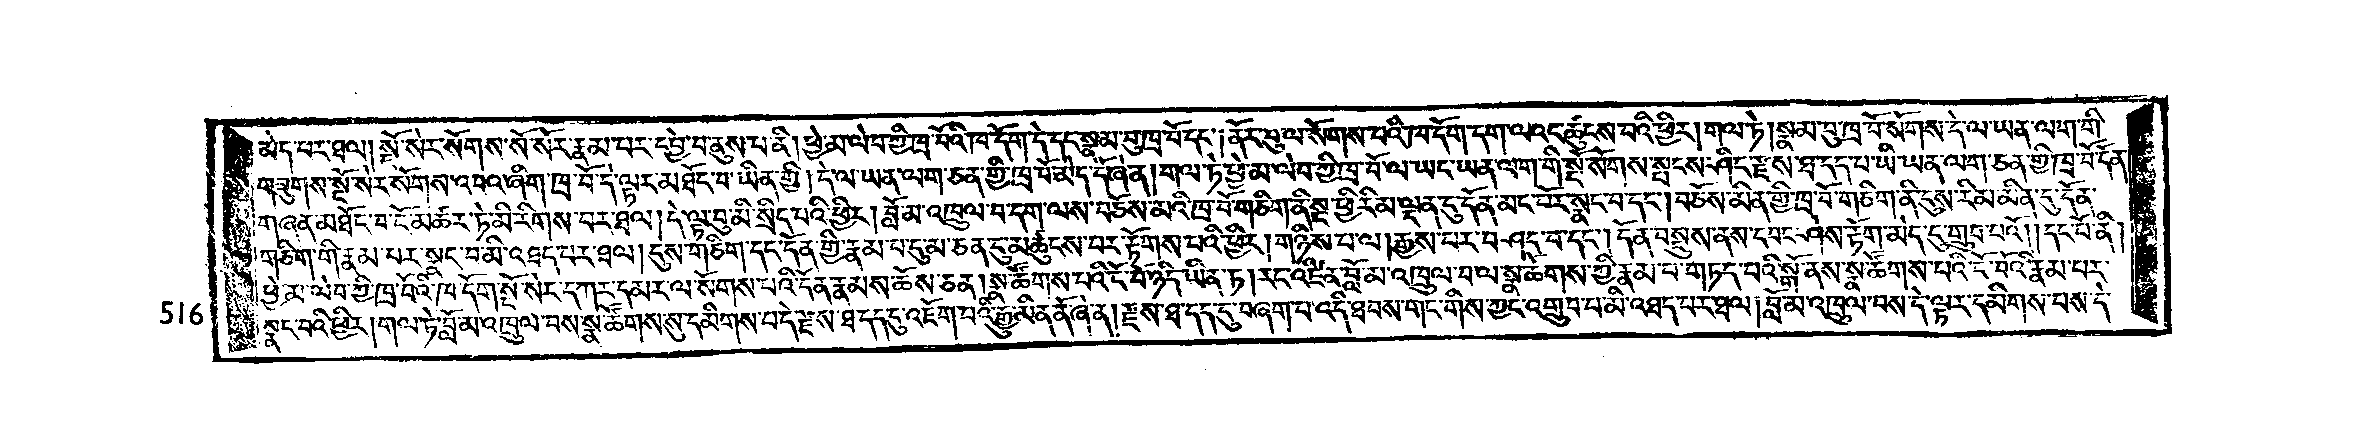མེད་པར་ཐལ། སྔོ་སེར་སོགས་སོ་སོར་རྣམ་པར་དབྱེ་བ་ནུས་པ་ནི། ཕྱེ་མ་ལེབ་ཀྱི་ཁྲ་བོའི་ཁ་དོག་དེ་དང་སྣམ་བུ་ཁྲ་བོ་དང་། ནོར་བུ་ལ་སོགས་པའི་ཁ་དོག་དག་ལའང་ཚུངས་པའི་ཕྱིར། གལ་ཏེ། སྣམ་བུ་ཁྲ་བོ་སོགས་དེ་ལ་ཡན་ལག་གི་
གཟུགས་སྔོ་སེར་སོགས་འབའ་ཞིག་ཁྲ་བོ་དེ་ལྟར་མཐོང་བ་ཡིན་གྱི། དེ་ལ་ཡན་ལག་ཅན་གྱི་ཁྲ་བོ་མེད་དོ་ཞེ་ན། གལ་ཏེ་ཕྱེ་མ་ལེབ་ཀྱི་ཁྲ་བོ་ལ་ཡང་ཡན་ལག་གི་སྔོ་སོགས་སྤངས་ཤིང་རྫས་ཐ་དད་པ་ཡི་ཡན་ལག་ཅན་གྱི་ཁྲ་བོ་དོན་
གཞན་མཐོང་བ་ངོ་མཚར་ཏེ་མི་རིགས་པར་ཐལ། དེ་ལྟ་བུ་མི་སྲིད་པའི་ཕྱིར། བློ་མ་འཁྲུལ་བ་དག་ལས་བཅོས་མའི་ཁྲ་བོ་གཅིག་ནི་སྔ་ཕྱི་རིམ་ལྡན་དུ་དོན་མང་པོར་སྣང་བ་དང་། བཅོས་མིན་གྱི་ཁྲ་བོ་གཅིག་ནི་དུས་རིམ་མིན་དུ་དོན་
གཅིག་གི་རྣམ་པར་སྣང་བ་མི་འཐད་པར་ཐལ། དུས་གཅིག་དང་དོན་གྱི་རྣམ་པ་དུ་མ་ཅན་དུ་མཚུངས་པར་རྟོགས་པའི་ཕྱིར། གཉིས་པ་ལ། རྒྱས་པར་བཤད་པ་དང་། དོན་བསྡུས་ནས་དབང་ཤེས་རྟོག་མེད་དུ་གྲུབ་པའོ། །དང་པོ་ནི།
ཕྱེ་མ་ལེབ་ཀྱི་ཁྲ་བོའི་ཁ་དོག་སྔོ་སེར་དཀར་དམར་ལ་སོགས་པའི་དོན་རྣམས་ཆོས་ཅན། སྣ་ཚོགས་པའི་ངོ་བོ་ཉིད་ཡིན་ཏེ། རང་འཛིན་བློ་མ་འཁྲུལ་བ་ལ་སྣ་ཚོགས་ཀྱི་རྣམ་པ་གཏད་པའི་སྒོ་ནས་སྣ་ཚོགས་པའི་ངོ་བོའི་རྣམ་པར་
སྣང་བའི་ཕྱིར། གལ་ཏེ་བློ་མ་འཁྲུལ་བས་སྣ་ཚོགས་སུ་དམིགས་པ་དེ་རྫས་ཐ་དད་དུ་འཇོག་པའི་རྒྱུ་མིན་ནོ་ཞེ་ན། རྫས་ཐ་དད་དུ་བཞག་པ་འདི་ཐབས་གང་གིས་ཀྱང་འགྲུབ་པ་མི་འཐད་པར་ཐལ། བློ་མ་འཁྲུལ་བས་དེ་ལྟར་དམིགས་པས་དེ་